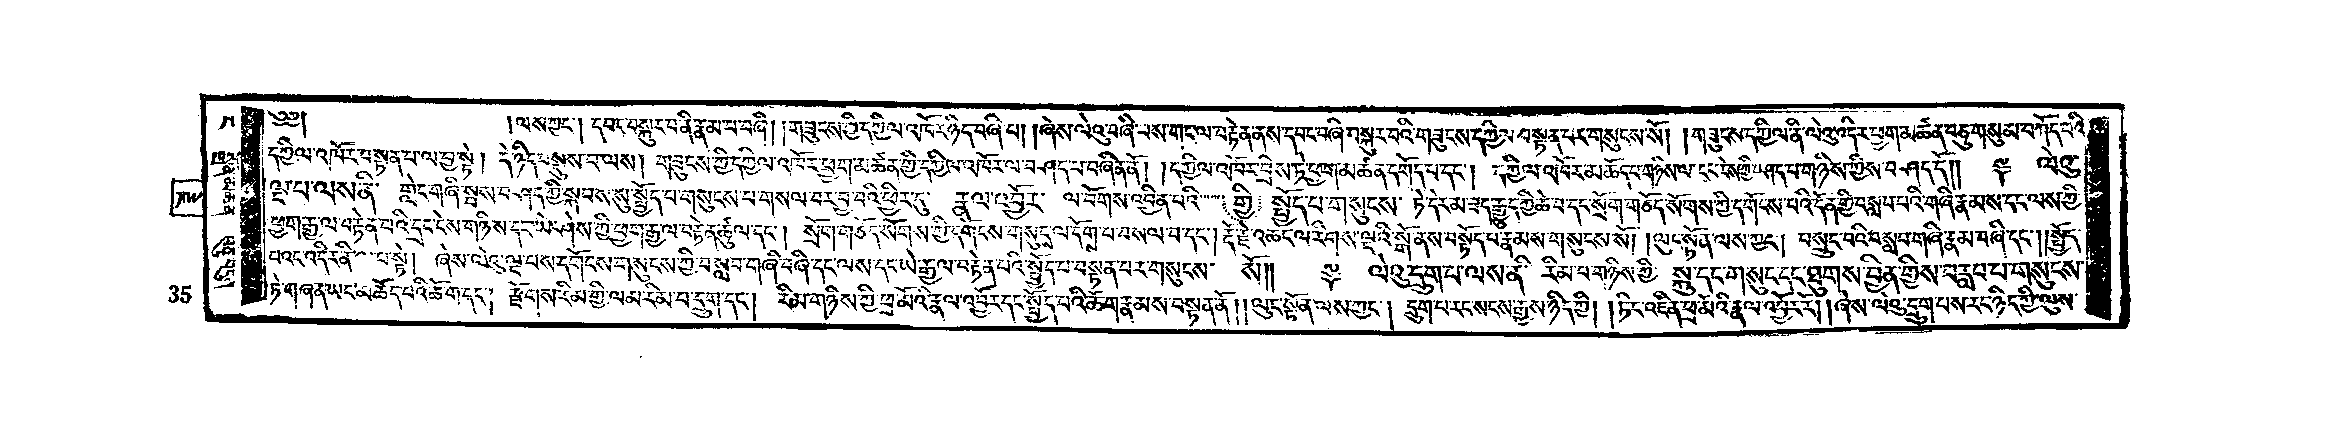༄༅། །ལས་ཀྱང་། དབང་བསྐུར་བ་ནི་རྣམ་པ་བཞི། །གཟུངས་ཀྱི་དཀྱིལ་འཁོར་ཉིད་བཞི་པ། །ཞེས་ལེའུ་བཞི་པས་གང་ལ་བརྟེན་ནས་དབང་བཞི་བསྐུར་བའི་གཟུངས་དཀྱིལ་བསྟན་པར་གསུངས་སོ། །གཟུངས་དཀྱིལ་ནི་ལེའུ་འདིར་ཕྱག་མཚན་བཅུ་གསུམ་བཀོད་པའི་
དཀྱིལ་འཁོར་བསྟན་པ་ལ་བྱ་སྟེ། དེ་ཉིད་བསྡུས་པ་ལས། གཟུངས་ཀྱི་དཀྱིལ་འཁོར་ཕྱག་མཚན་གྱི་དཀྱིལ་འཁོར་ལ་བཤད་པ་བཞིན་ནོ། །དཀྱིལ་འཁོར་བྲིས་ཏེ་ཕྱག་མཚན་དགོད་པ་དང་། དཀྱིལ་འཁོར་མཆོད་པ་གཉིས་ལ་དྲང་ངེས་ཀྱི་བཤད་པ་གཉིས་ཀྱིས་བཤད་དོ།། ༈ ལེའུ་
ལྔ་པ་ལས་ནི་གླེང་གཞི་སྦས་བཤད་ཀྱི་སྐབས་སུ་སྤྱོད་པ་གསུངས་པ་གསལ་བར་བྱ་བའི་ཕྱིར་དུ་རྣལ་འབྱོར་ལ་བོགས་འབྱིན་པའི་གྱི་སྤྱོད་པ་གསུངས་ཏེ་དེར་མ་ཟད་རྒྱུད་ཀྱི་ཆེ་བ་དང་སྲོག་གཅོད་སོགས་ཀྱི་དགོངས་པའི་དོན་གྱི་བསླབ་པའི་གཞི་རྣམས་དང་ལས་ཀྱི་
ཕྱག་རྒྱ་ལ་བརྟེན་པའི་དྲང་ངེས་གཉིས་དང་ཡེ་ཤེས་ཀྱི་ཕྱག་རྒྱ་ལ་བརྟེན་ཚུལ་དང་། སྲོག་གཅོད་སོགས་ཀྱི་དགོངས་གསུངས་ལ་དོགས་པ་བསལ་བ་དང་། རྡོ་རྗེ་འཆང་ལ་རིགས་ལྔའི་སྒོ་ནས་བསྟོད་པ་རྣམས་གསུངས་སོ། །ལུང་སྟོན་ལས་ཀྱང་། བསྲུང་བའི་བསླབ་གཞི་རྣམ་བཞི་དང་། །སྤྱོད་
པའང་འདིར་ནི་ལྔ་པ་སྟེ། ཞེས་ལེའུ་ལྔ་པས་དགོངས་གསུངས་ཀྱི་བསླབ་གཞི་བཞི་དང་ལས་དང་ཡེ་རྒྱལ་བརྟེན་པའི་སྤྱོད་པ་བསྟན་པར་གསུངས་སོ།། ༈ ལེའུ་དྲུག་པ་ལས་ནི་རིམ་པ་གཉིས་ཀྱི་སྐུ་དང་གསུང་དང་ཐུགས་བྱིན་གྱིས་བརླབ་པ་གསུངས་
ཏེ་གཞན་ཡང་མཆོད་པའི་ཆོ་ག་དང་། རྫོགས་རིམ་གྱི་ལམ་རིམ་པ་དྲུག་དང་། རིམ་གཉིས་ཀྱི་ཕྲ་མོའི་རྣལ་འབྱོར་དང་སྤྱོད་པའི་ཆོ་ག་རྣམས་བསྟན་ནོ། །ལུང་སྟོན་ལས་ཀྱང་། དྲུག་པ་རང་སངས་རྒྱས་ཉིད་ཀྱི། །ཏིང་འཛིན་ཕྲ་མོའི་རྣལ་འབྱོར་རོ། །ཞེས་ལེའུ་དྲུག་པས་རང་ཉིད་ཀྱི་ལུས་